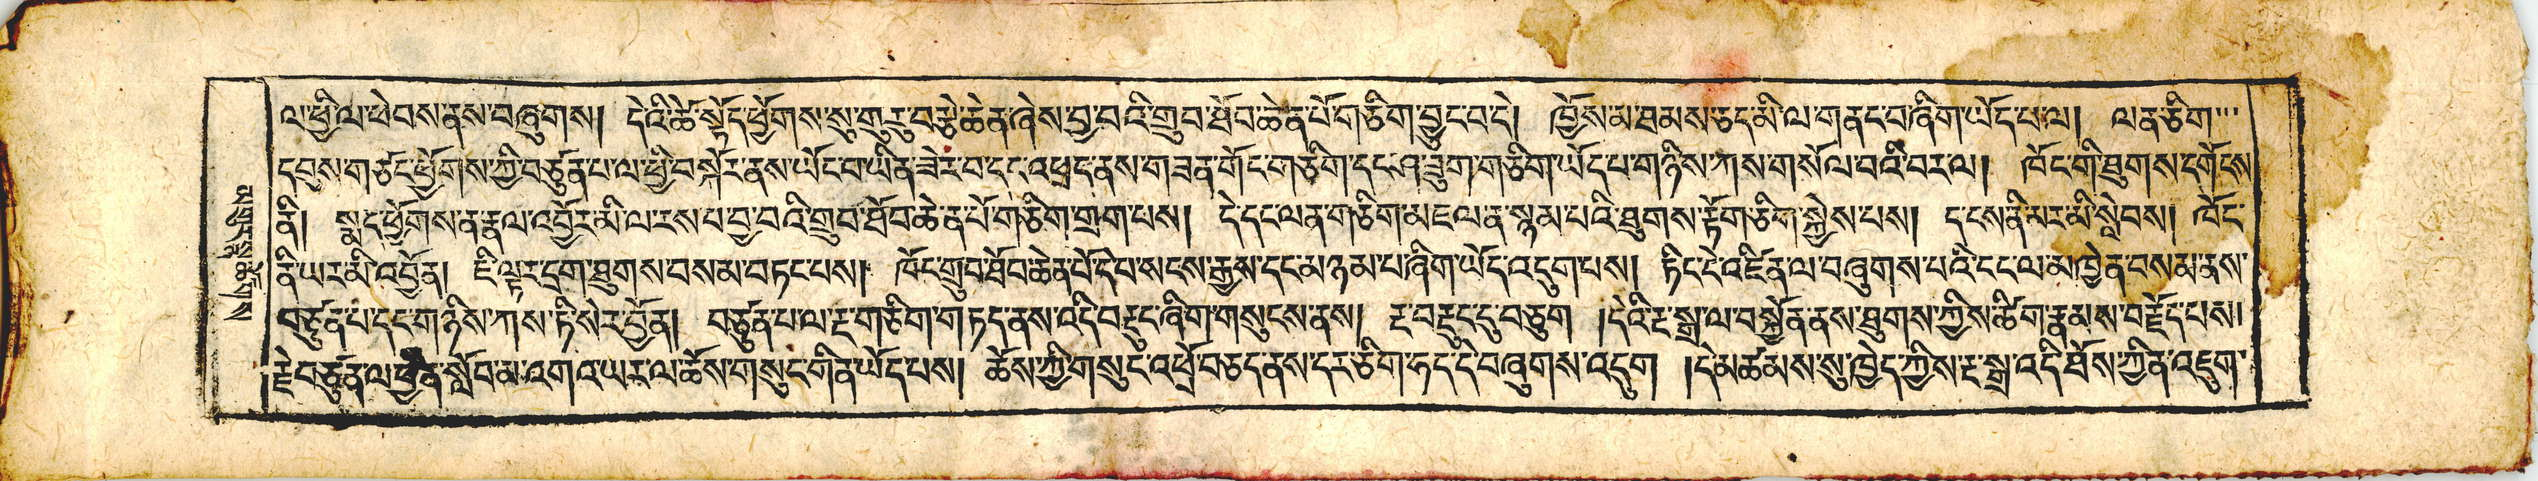ལ་ཕྱི ལ་ཕེབས་ནས་བཞུགས། དེའི་ཚེ་སྟོད་ཕྱོགས་སུ་གུ་རུ་བརྩེ་ཆེན་ཞེས་བྱ་བའི་གྲུབ་ཐོབ་ཆེན་པོ་གཅིག་བྱུང་བ་དེ། ཁྱོས་མ་ཐམས་ཅད་མི་ལ་གནང་བ་ཞིག་ཡོད་པ་ལ། ལན་ཅིག་
དབུས་གཙང་ཕྱོགས་ཀྱི་བཙུན་པ་ལ་ཕྱི་བསྐོར་ནས་ཡོང་བ་ཡིན་ཟེར་བ་དང་འཕྲད་ནས་གཟན་གོང་གཅིག་དང་ཤ་ཟུག་གཅིག་ཡོད་པ་གཉིས་ཀས་གསོལ་བའི་བར་ལ། ཁོང་གི་ཐུགས་དགོངས་
ནི། སྨད་ཕྱོགས་ན་རྣལ་འབྱོར་མི་ལ་རས་པ་བྱ་བའི་གྲུབ་ཐོབ་ཆེན་པོ་གཅིག་གྲག་པས། དེ་དང་ལན་གཅིག་མཇལ་ན་སྙམ་པའི་ཐུགས་རྟོག་ཅིག་སྐྱེས་པས། དྭ་ངས་ནི་མར་མི་སླེབས། ཁོང་
ནི་ཡར་མི་འབྱོན། ཇི་ལྟར་དྲག་ཐུགས་བསམ་བཏང་པས། ཁོང་གྲུབ་ཐོབ་ཆེན་པོ་དེ་པ་སངས་རྒྱས་དང་མཉམ་པ་ཞིག་ཡོད་འདུག་པས། ཏིང་ངེ་འཛིན་ལ་བཞུགས་པའི་ངང་ལ་མཁྱེན་བསམ་ནས་
བཙུན་པ་དང་གཉིས་ཀས་ཏི་སེར་བྱོན། བཙུན་པ་ལ་རྔ་གཅིག་གཏད་ནས་འདི་བརྡུང་ཞིག་གསུངས་ནས། རྔ་བརྡུང་དུ་བཅུག །དེའི་རྔ་སྒྲ་ལ་བསྐྱོན་ནས་ཐུགས་ཀྱིས་ཚིག་རྣམས་བརྗོད་པས། 
རྗེ་བཙུན་ལ་རྒྱན་སློབ་མ་འགའ་ཡར་ལ་ཆོས་གསུང་གིན་ཡོད་པས། ཆོས་ཀྱི་གསུང་འཕྲོ་བཅད་ནས་དར་ཅིག་ཧད་དེ་བཞུགས་འདུག །དེམཚམས་སུ་ཁྱེད་ཀྱིས་རྔ་སྒྲ་འདི་ཐོས་ཀྱིན་འཇུག་